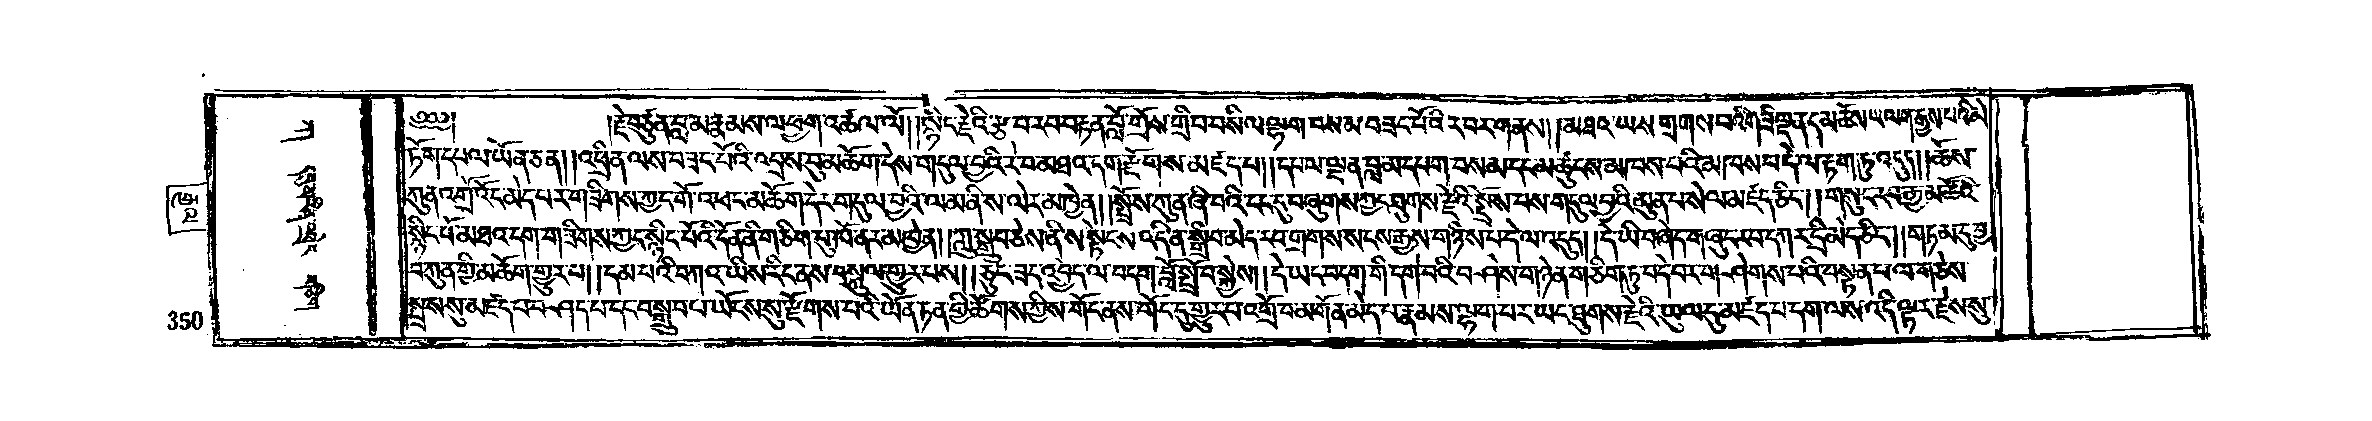༄༅༅། །རྗེ་བཙུན་བླ་མ་རྣམས་ལ་ཕྱག་འཚལ་ལོ། །སྙིང་རྗེའི་རྩ་བ་རབ་བརྟན་བློ་གྲོས་གྲིབ་བསིལ་ལྷག་བསམ་བཟང་པོའི་ར་བར་གནས། །མཐའ་ཡས་གྲགས་པའི་གཟི་ལྡན་དམ་ཆོས་ཡན་ལག་རྒྱས་པའི་མེ་
ཏོག་དཔལ་ཡོན་ཅན། །འཕྲིན་ལས་བཟང་པོའི་འབྲས་བུ་མཆོག་དེས་གདུལ་བྱའི་རེ་བ་མཐའ་དག་རྫོགས་མཛད་པ། །དཔལ་ལྡན་བླ་མ་དཔག་བསམ་དང་མཚུངས་མཁས་པའི་མཁས་བདེ་ལ་རྟག་ཏུ་འདུད། །ཆོས་
ཀུན་འགྲོ་འོང་མེད་པར་གཟིགས་ཀྱང་གོ་འཕང་མཆོག་དེར་གདུལ་བྱའི་ལམ་ནི་ས་ལེར་མཁྱེན། །སྤྲོས་ཀུན་ཞི་བའི་ངང་དུ་བཞུགས་ཀྱང་ཐུགས་རྗེའི་སྡྲོས་པས་གདུལ་བྱའི་མུན་པ་སེལ་མཛད་ཅིང་། །གསུང་རབ་རྒྱ་མཚོའི་
སྙིང་པོ་མཐའ་དག་གཟིགས་ཀྱང་སྙིང་པོའི་དོན་ནི་གཅིག་པུ་ཁོ་ནར་མཁྱེན། །ཀླུ་སྒྲུབ་ཅེས་ནི་ས་སྟེངས་འདི་ན་སྒྲིབ་མེད་རབ་གྲགས་སངས་རྒྱས་གཉིས་པ་དེ་ལ་འདུད། །དེ་ཡི་བཞེད་གཞུང་རབ་དཀར་དྲི་མེད་ཅིང་། །གཏམ་དུ་བྱ་
བ་ཀུན་གྱི་མཆོག་གྱུར་པ། །དམ་པའི་བཀའ་ཡིས་རིང་ནས་བསྐུལ་གྱུར་པས། །ཅུང་ཟད་འབྱེད་ལ་བདག་བློ་སྤྲོ་བ་སྐྱེས། །དེ་ཡང་བདག་གི་དགེ་བའི་བཤེས་གཉེན་གཅིག་ཏུ་བདེ་བར་གཤེགས་པའི་བསྟན་པ་ལ་གཅེས་
སྤྲས་སུ་མཛད་པ་བཤད་པ་དང་བསྒྲུབ་པ་ཡོངས་སུ་རྫོགས་པའི་ཡོན་ཏན་གྱི་ཚོགས་ཀྱིས་གོང་ནས་གོང་དུ་གྱུར་པ་འགྲོ་བ་མགོན་མེད་པ་རྣམས་ལྷག་པར་ཡང་ཐུགས་རྗེའི་ཡུལ་དུ་མཛད་པ་དག་ལས་འདི་ལྟར་རྗེས་སུ་